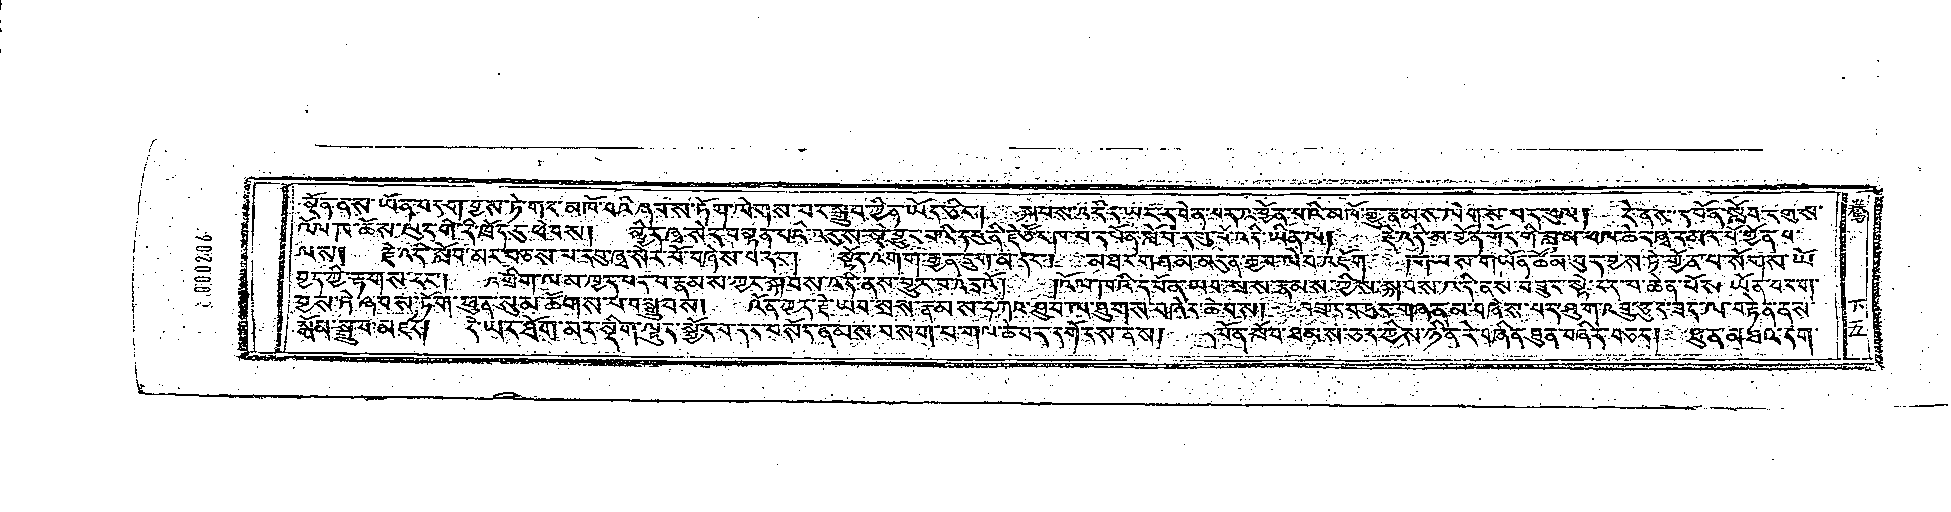སྔོན་ནས་ཡོན་བདག་བྱས་ཏེ་གང་མཁོ་བའི་ཞབས་ཏོག་ལེགས་པར་སྒྲུབ་ཀྱིན་ཡོད་ཅིང་། སྐབས་འདིར་ཡང་དཔེན་པར་འབྱོན་པའི་མཁོ་རྒྱུ་རྣམས་ལེགས་བར་ཕུལ། དེ་ནས་དབོན་སློབ་དགུས་
འོལ་ཁ་ཆོས་ལུང་གི་རི་ཁྲོད་དུ་ཕེབས། སྤྱིར་ཞྭ་སེར་བསྟན་པའི་འདུས་སྔེ་བྱུང་བའི་དབུ་ནི་རྗེ་ཙོང་ཁ་བ་དཔོན་སློབ་དགུ་པོ་འདི་ཡིན་ལ། རྗེ་འདི་མ་བྱོན་གོང་གི་བླ་མ་ཕལ་ཆེང་ཞྭ་དམར་པོ་གྱོན་པ་
ལས། རྗེ་འདི་སློབ་མར་བཅས་པ་དབུ་ཞྭ་སེར་པོ་བཞེས་པ་དང་། སྟོང་འགག་རྒྱན་དྲུག་མ་དང་། མཐང་གཤམ་མདུན་རྒྱབ་ལེབ་འཇོག །གཡས་གཡོན་ཚོམ་བུར་བྱས་ཏེ་གྱོན་པ་སོགས་ཡོ་
བྱད་ཀྱི་རྟགས་དང་། འགྲིག་ལམ་ཁྱད་པར་བ་རྣམས་ཀྱང་སྐབས་འདི་ནས་བྱུང་བ་འདྲའོ། །འོལ་ཁའི་དཔོན་ཡབ་སྲས་རྣམས་ཀྱིས་སྐབས་འདི་ནས་བཟུང་སྟེ་དད་པ་ཆེན་པོས་ཡོན་བདག་
བྱས་ཏེ་ཞབས་ཏོག་ཕུན་སུམ་ཚོགས་པ་བསྒྲུབས། འོན་ཀྱང་རྗེ་ཡབ་སྲས་རྣམས་དཀའ་ཐུབ་ལ་ཐུགས་བཞེད་ཆེ་བས། བཟའ་བཏུང་གཞན་མ་བཞེས་པར་ཤུག་འབྲུ་ཅུང་ཟད་ལ་བརྟེན་ནས་སྒོམ་སྒྲུབ་མཛད། དེ་ཡང་ཐོག་མར་སྡིག་ལྟུང་སྦྱོད་བ་དང་བསོད་ནམས་བསག་པ་གལ་ཆེ་བར་དགོངས་ནས། དཔོན་སློབ་ཐམས་ཅད་ཀྱིས་ཉིན་རེ་བཞིན་ཐུན་བཞིར་བཅད། ཐུན་མཐའ་དག་